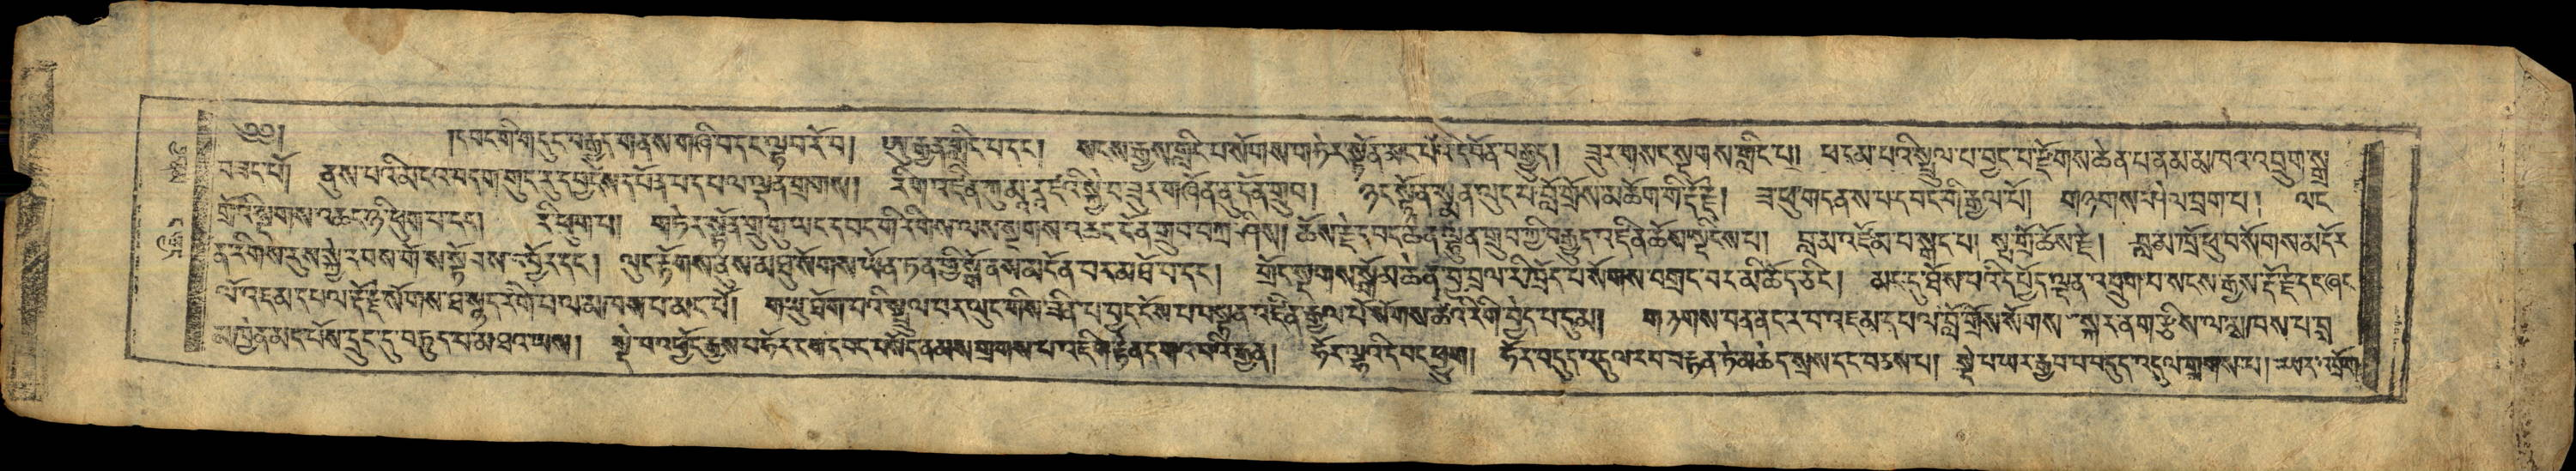༄༅། །དབང་གི་གདུང་བརྒྱུད་གནས་གཞི་བདང་ལྷ་བ་རོ་པ། ཨུ་རྒྱན་གླིང་པ་དང་། སངས་རྒྱས་གླིང་པ་སོགས་གཏེར་སྟོན་མང་པོའི་དབོན་བརྒྱུད། ཟུར་གསང་སྔགས་གླིང་པ། ཕ་དམ་པའི་སྤྲུལ་པ་བྱང་པ་རྫོགས་ཆེན་པ་ནམ་མཁའ་འབྲུག་སྒ་
བཟང་པོ། ནུས་པའི་མངའ་བདག་གུང་རུ་དབྱངས་དཔོན་པ་དཔལ་ལྡན་གྲགས། རིག་འཛིན་ཀུ་མཱ་རཱ་ཛའི་སྐྱེ་བ་ཟུར་གཞོན་ནུ་དོན་གྲུབ། ཉང་སྟོན་སྨན་ལུང་པ་བློ་གྲོས་མཆོག་གི་རྡོ་རྗེ། ཟ་ཕུ་གདན་ས་པ་དབང་གི་རྒྱལ་པོ། གཉགས་ཤེལ་བག་པ། ལང་
གྲོའི་སྔགས་འཆང་ཉི་ཕུག་པ་དང་། རི་ཕུག་པ། གཏེར་སྟོན་གྲུ་གུ་ཡང་དབང་གི་རིགས་ལས་སྔགས་འཆང་དོན་གྲུབ་བཀྲ་ཤིས། ཆོས་རྗེ་དབང་ཆེན་ལྷུན་གྲུབ་ཀྱི་བརྒྱུད་འཛིན་ཆོས་སྡིངས་པ། བླ་མ་འཛོམ་པ་སྒང་པ། སྤ་གྲོ་ཆོས་རྗེ། བླ་མ་ཁྲོ་ཕུ་བ་སོགས་མདོར་
ན་རིགས་རུས་སྐྱེ་རབས་གོ་ས་སྟོབས་འབྱོར་དང་། ལུང་རྟོགས་ནུས་མཐུ་སོགས་ཡོན་ཏན་གྱི་སྒོ་ནས་མངོན་བར་མཐོ་བ་དང་། གོང་སྔགས་སྒོམ་ཆེན་བྱ་བྲལ་རི་ཁྲོད་པ་སོགས་བགྲང་བར་མི་ཆོད་ཅིང་། མང་དུ་ཐོས་པའི་དཔྱོད་ལྡན་འབྲུག་པ་སངས་རྒྱས་རྡོ་རྗེ་དང་ཞང་
ལོ་འཇམ་དཔལ་རྡོ་རྗེ་སོགས་ཐ་སྙད་རིག་པ་ལ་མཁས་པ་མང་པོ། གཡུ་ཐོག་པའི་སྤྲུལ་པར་ལུང་གསེ་ཟིན་པ་བྱད་ངོས་པ་བསྟན་འཛིན་རྒྱལ་པོ་སོགས་ཆེའི་རིག་བྱེད་པ་དུམ། གཉགས་བ་ནང་ར་བ་འཇམ་དཔལ་བློ་གྲོས་སོགས་སྐར་ནག་རྩིས་ལ་མཁས་པ་བླ་
མཁྱེན་མང་པོས་དྲུང་དུ་བཏུང་བ་མཐའ་ཡས། སྡེ་པ་འཕྱོང་རྒྱས་པ་ཧོར་ངག་དབང་བསོད་ནམས་གྲགས་པ་འཇིག་རྟེན་དགའ་བའི་རྒྱན། ཧོར་ལྷའི་དབང་ཕྱུག། ཧོར་བདུད་འདུལ་རབ་བརྟན་ཏེ་མཆེད་སྲས་དང་བཅས་པ། སྡེ་པ་ཡར་རྒྱབ་པ་བདུད་འདུལ་གྲགས་པ། ཡར་འབྲོག་